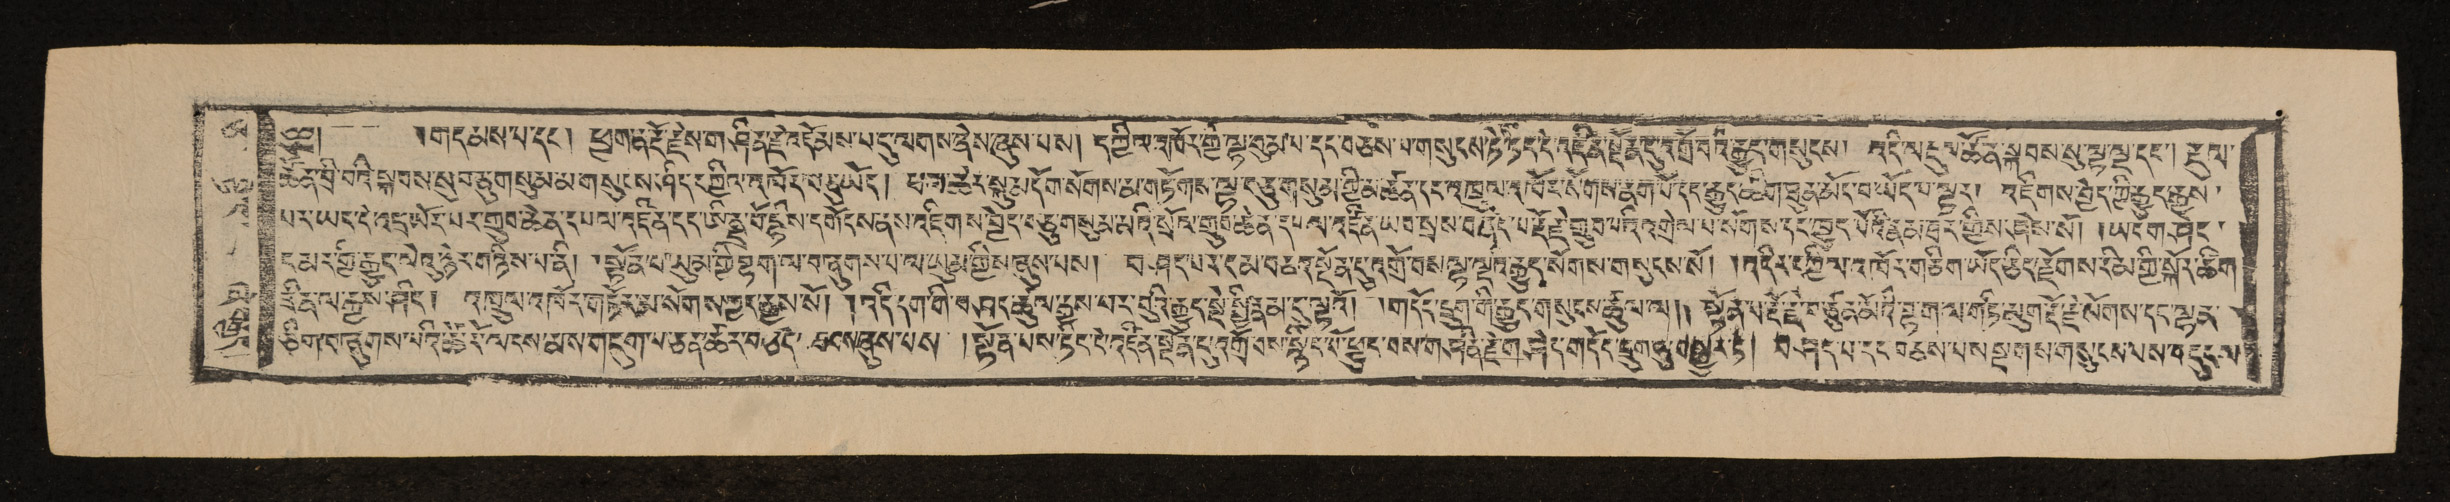༄༅། །གདམས་པ་དང་། ཕྱག་ན་རྡོ་རྗེས་གཤིན་རྗེ་འཇོམས་པ་དུ་ལགས་ཞེས་ཞུས་པས། དཀྱིལ་འཁོར་གྱི་ལྷ་བུམ་པ་དང་བཅས་པ་གསུངས་ཏེ་ཏིང་ངེ་འཛིན་སྔོན་དུ་འགྲོ་བའི་རྒྱུད་གསུངས། འདི་ལ་རྡུལ་ཚོན་སྐབས་སུ་ལྷ་ལྔ་དང་། རྡུལ་
ཚོན་བྲི་བའི་སྐབས་སུ་བཅུ་གསུམ་མ་གསུངས་ཤིང་དཀྱིལ་འཁོར་བཅུ་ཡོད། ཕལ་ཆེར་སྐུ་མདོག་སོགས་མ་གཏོགས་ལྷ་བཅུ་གསུམ་གྱི་མཚན་དང་འཁྲུལ་འཁོར་སོགས་ནག་པོ་དང་རྒྱུད་ཚིག་ཐུན་མོང་བ་ཡོད་པ་ལྟར། འཇིགས་བྱེད་ཀྱི་རྒྱུད་རྒྱས་
པར་ཡང་དེ་འདྲ་ཡོད་པར་གྲུབ་ཆེན་དཔལ་འཛིན་དང་ཨིནྡྲ་བོ་དྷིས་དགོངས་ནས་འཇིགས་བྱེད་བཅུ་གསུམ་མའི་སྲོལ་གྲུབ་ཆེན་དཔལ་འཛིན་ཡབ་སྲས་བཞེད་པ་རྡོ་རྗེ་གྲུབ་པའི་འགྲེལ་པ་སོགས་དང་ཁྱུད་པོའི་རྣམ་ཐར་གྱིས་ཤེས་སོ། །ཡང་གཤེད་
དམར་གྱི་རྒྱུད་ལེའུ་ཉེར་གཉིས་པ་ནི། སྟོན་པ་ཡུམ་གྱི་བྷ་ག་ལ་བཞུགས་པ་ལ་ཡུམ་གྱིས་ཞུས་པས། བཤད་པར་དམ་བཅའ་སྔོན་དུ་འགྲོ་བས་ལྷ་ལྔའི་རྒྱུད་སོགས་གསུངས་སོ། །འདིར་དཀྱིལ་འཁོར་གཅིག་ཡོད་ཅིང་རྫོགས་རིམ་གྱི་སྐོར་ཚིག་
ཟིན་ལ་རྒྱས་ཤིང་། འཁྲུལ་འཁོར་གཏོར་མ་སོགས་ཀྱང་རྒྱས་སོ། །འདི་དག་གི་བཤད་ཚུལ་རྒྱས་པར་བུའི་རྒྱུད་སྡེ་སྤྱི་རྣམ་དུ་ལྟའོ། །གདོང་དྲུག་གི་རྒྱུད་གསུངས་ཚུལ་ལ། སྟོན་པ་རྡོ་རྗེ་བཙུན་མོའི་བྷ་ག་ལ་གཏི་མུག་རྡོ་རྗེ་སོགས་དང་ལྷན་
ཅིག་བཞུགས་པའི་ཚེ་རོ་ལངས་མས་གདུག་པ་ཅན་ཚར་བཅད་ཐབས་ཞུས་པས། སྟོན་པས་ཏིང་ངེ་འཛིན་སྔོན་དུ་འགྲོ་བས་སྙིང་པོ་ཕྱུང་བས་གཤིན་རྗེ་གཤེད་གདོང་དྲུག་ཏུ་བསྒྱུར་ཏེ། བཤད་པ་དང་བཅས་པས་སྔགས་གསུངས་པས་བདུད་ལ་